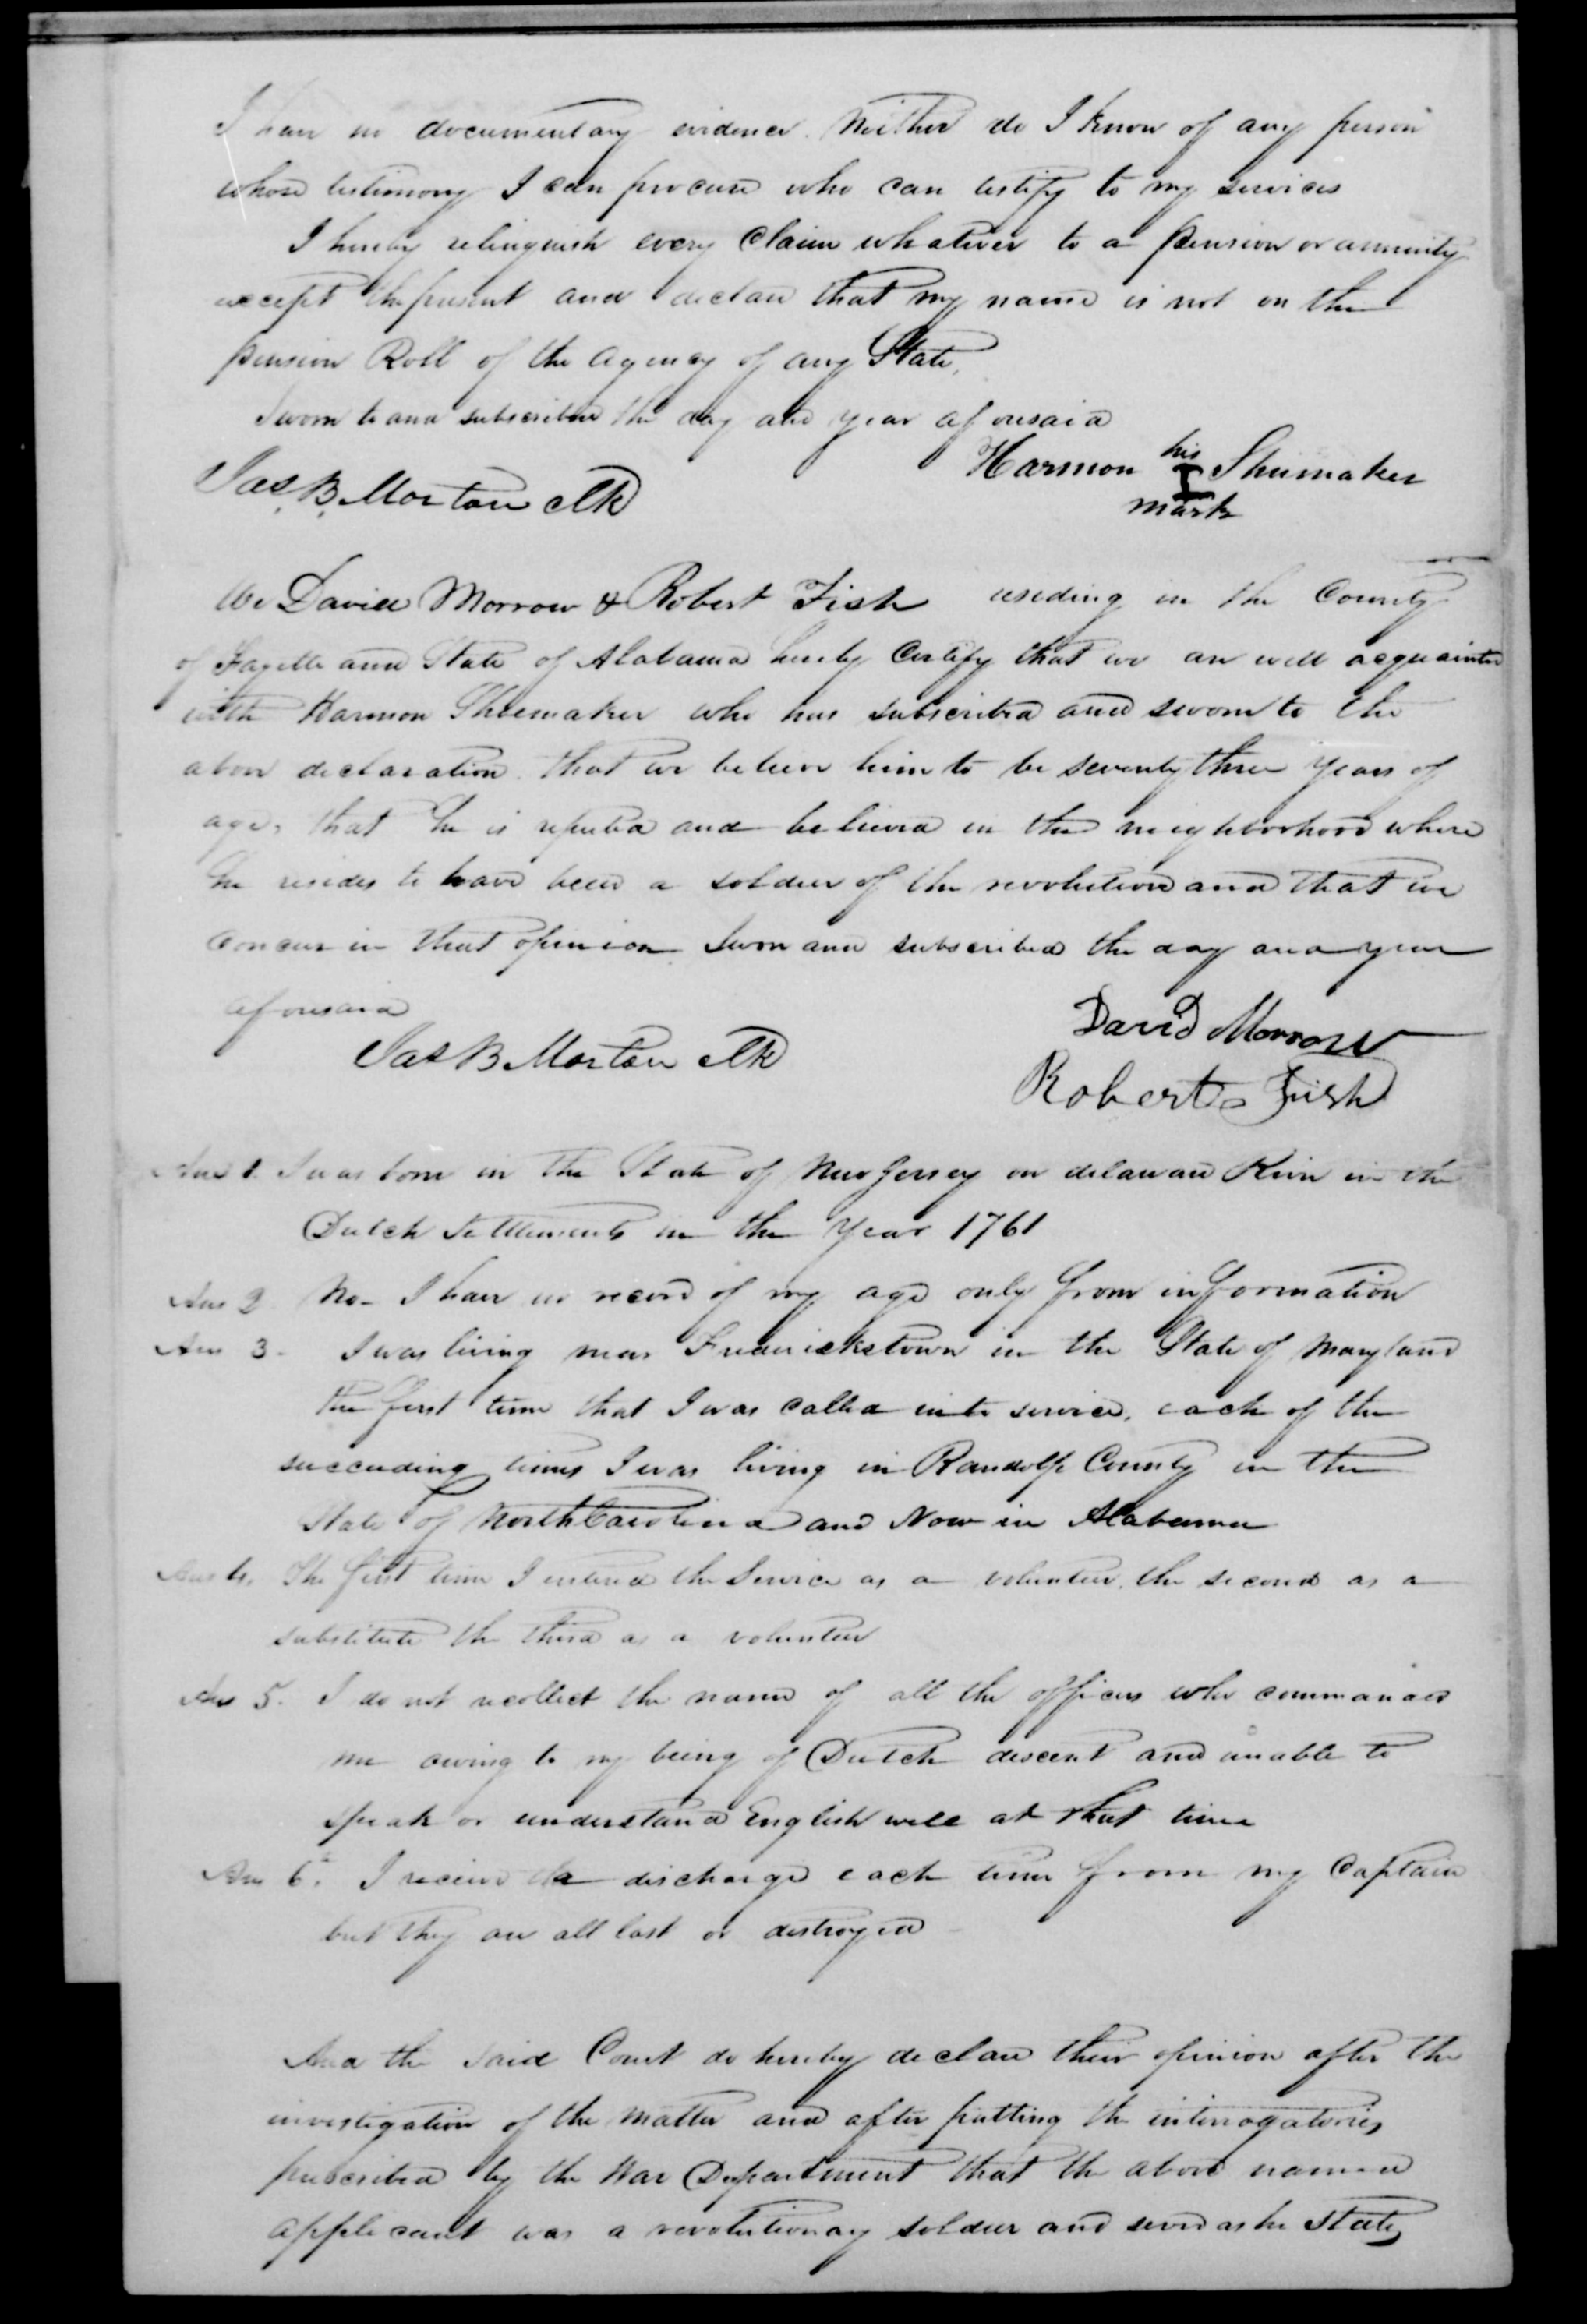I have no documentary evidence neither do I know of any person 
whose testimony I can procure who can testify to my services
I hereby relinquish every claim whatever to a pension or annuity 
except the present and declare that my name is not on the 
pension Roll of the Agency of any State.
Sworn to and subscribed the day and year aforesaid
[signature] Jas. B. Morton Clk    Harmon Shumaker his mark

We David Morrow & Robert Fish residing in the County
of Fayette and State of Alabama hereby certify that we are well acquainted
with Harmon Shoemaker who has subscribed and sworn to the
above declaration. that we believe him to be seventy three years of
age, that he is reputed and believed in the neighborhood where
he resides to have been a soldier of the revolution and that we
concur in that opinion. Sworn and subscribed the day and year
aforesaid
[signature] Jas B Morton Clk
[signature] David Morrow
[signature] Robert Fish

Ans 1. I was born in the State of New Jersey on delaware River in the
Dutch Settlements in the year 1761
Ans 2. Now I have no record of my age only from information
Ans 3. I was living near Frederickstown in the State of Maryland
the first time that I was called into service, each of the
succeeding times I was living in Randolph County in the
State of North Carolina and Now in Alabama
Ans 4. The first time I entered the Service as a volunteer, the second as a substitute the third as a volunteer
Ans. 5. I do not recollect the names of all the officers who commanded
me owing to my being of Dutch descent and unable to
speak or understand English well at that time
Ans 6. I received a discharge each time from my Captain
but they are all lost or destroyed

And the said Court do herby declare their opinion after the
investigation of the matter and after putting the interrogatories
prescribed by the War Department that the above named
applicant was a revolutionary soldier and served as he states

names: Jas B Morton; David Morrow; David Morrow; Harmon Shoemaker; Harmon Shumaker; Robert Fish; Robert Fish; Jas B Morton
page: 10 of 20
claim: survivor's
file: S. 32512, for Harmon Shumaker, Maryland